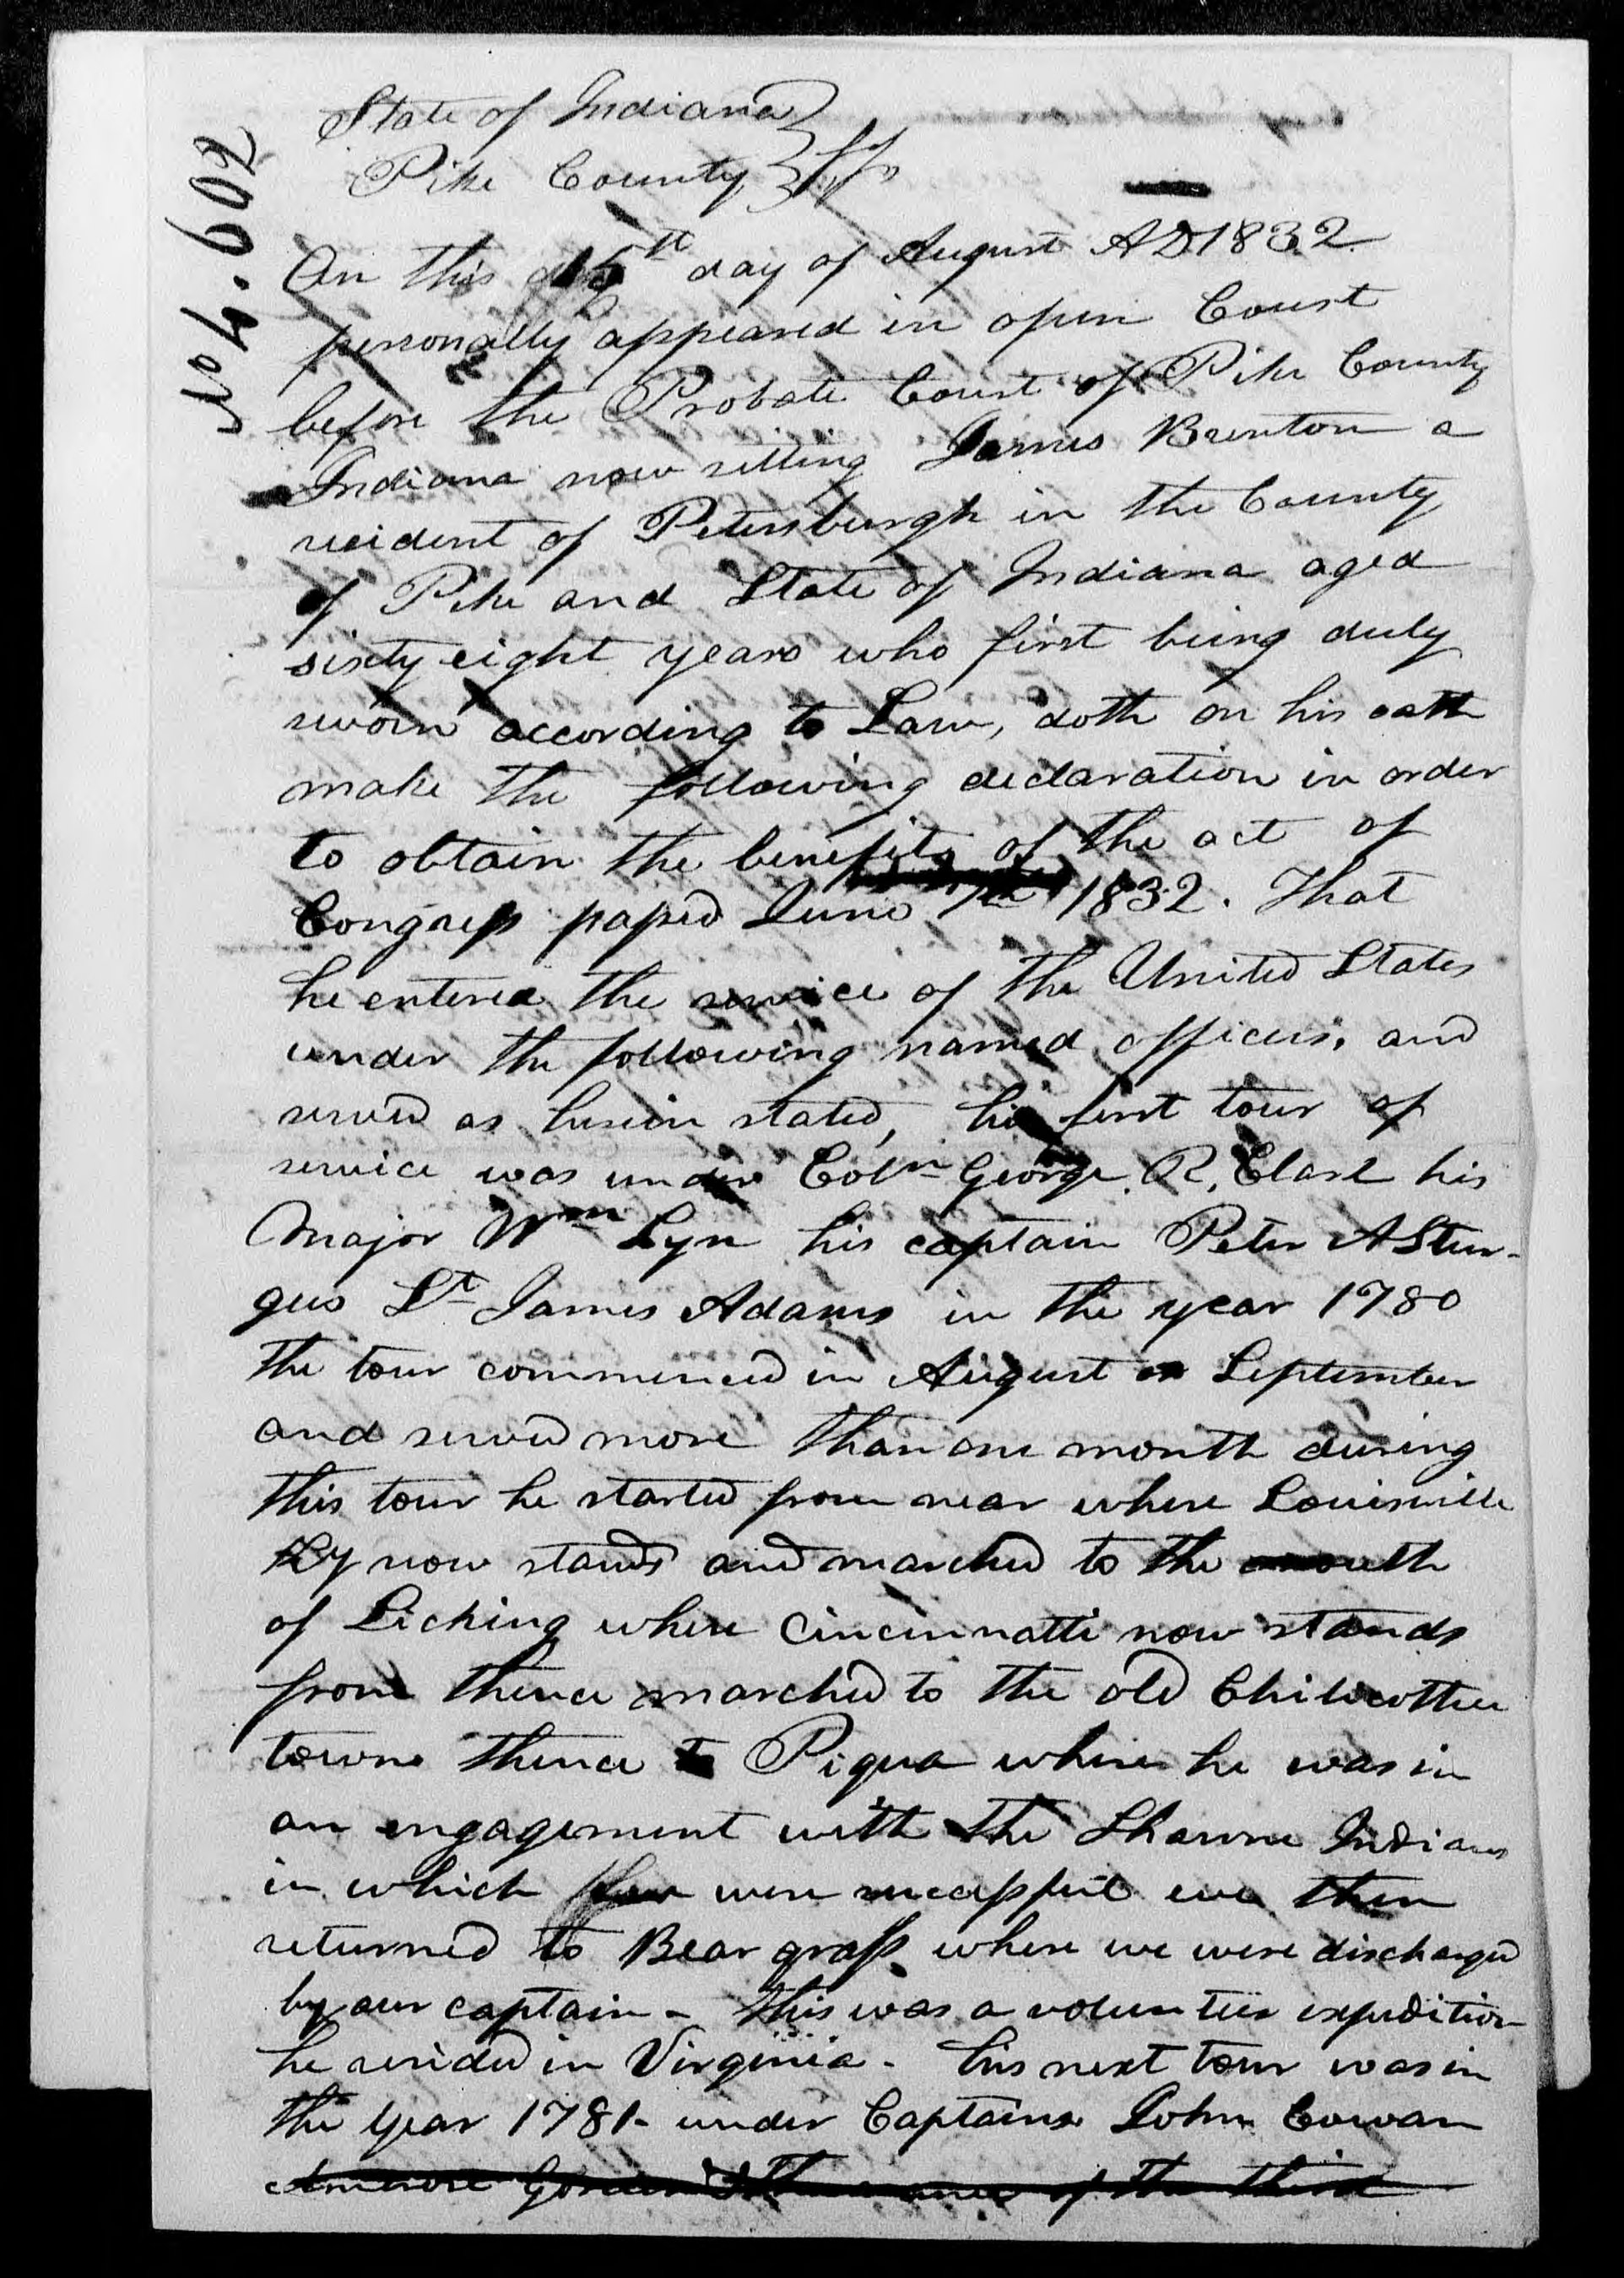State of Indiana
Pike County} ss
On this 15th day of August AD 1832 personally appeared in open Court before the Probate Court of Pike County Indiana now sitting James Brenton a resident of Petersburgh in the County of Pike and State of Indiana aged sixty eight years who first being duly sworn according to Law, doth on his oath make the following declaration in order to obtain the benefits of the act of Congress passed June 7th 1832. That he entered the service of the United States under the following named officers; and served as herein stated, his first tour of service was under Col George R. Clark his Major Wm Lyn his captain Peter A Sturgus Lt James Adams in the year 1780 the tour commenced in August or September and served more than one month during this tour he started from near where Louisville KY now stands and marched to the south of Licking where Cincinnati now stands from thence marched to the old Chilowathe towns thence to Piqua where he was in an engagement with the Shawnee Indians in which he was incapacitated and then returned to Bear Grass where we were discharged by our captain. This was a volunteer expedition he entered in Virginia. His next term was in the year 1781 under Captains John Cowan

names: James Adams, George R Clark, Peter A Sturgus, James Brenton, John Cowan, Wm Lyn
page: 5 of 49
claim: widow's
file: W. 2518, James Brenton, Va.